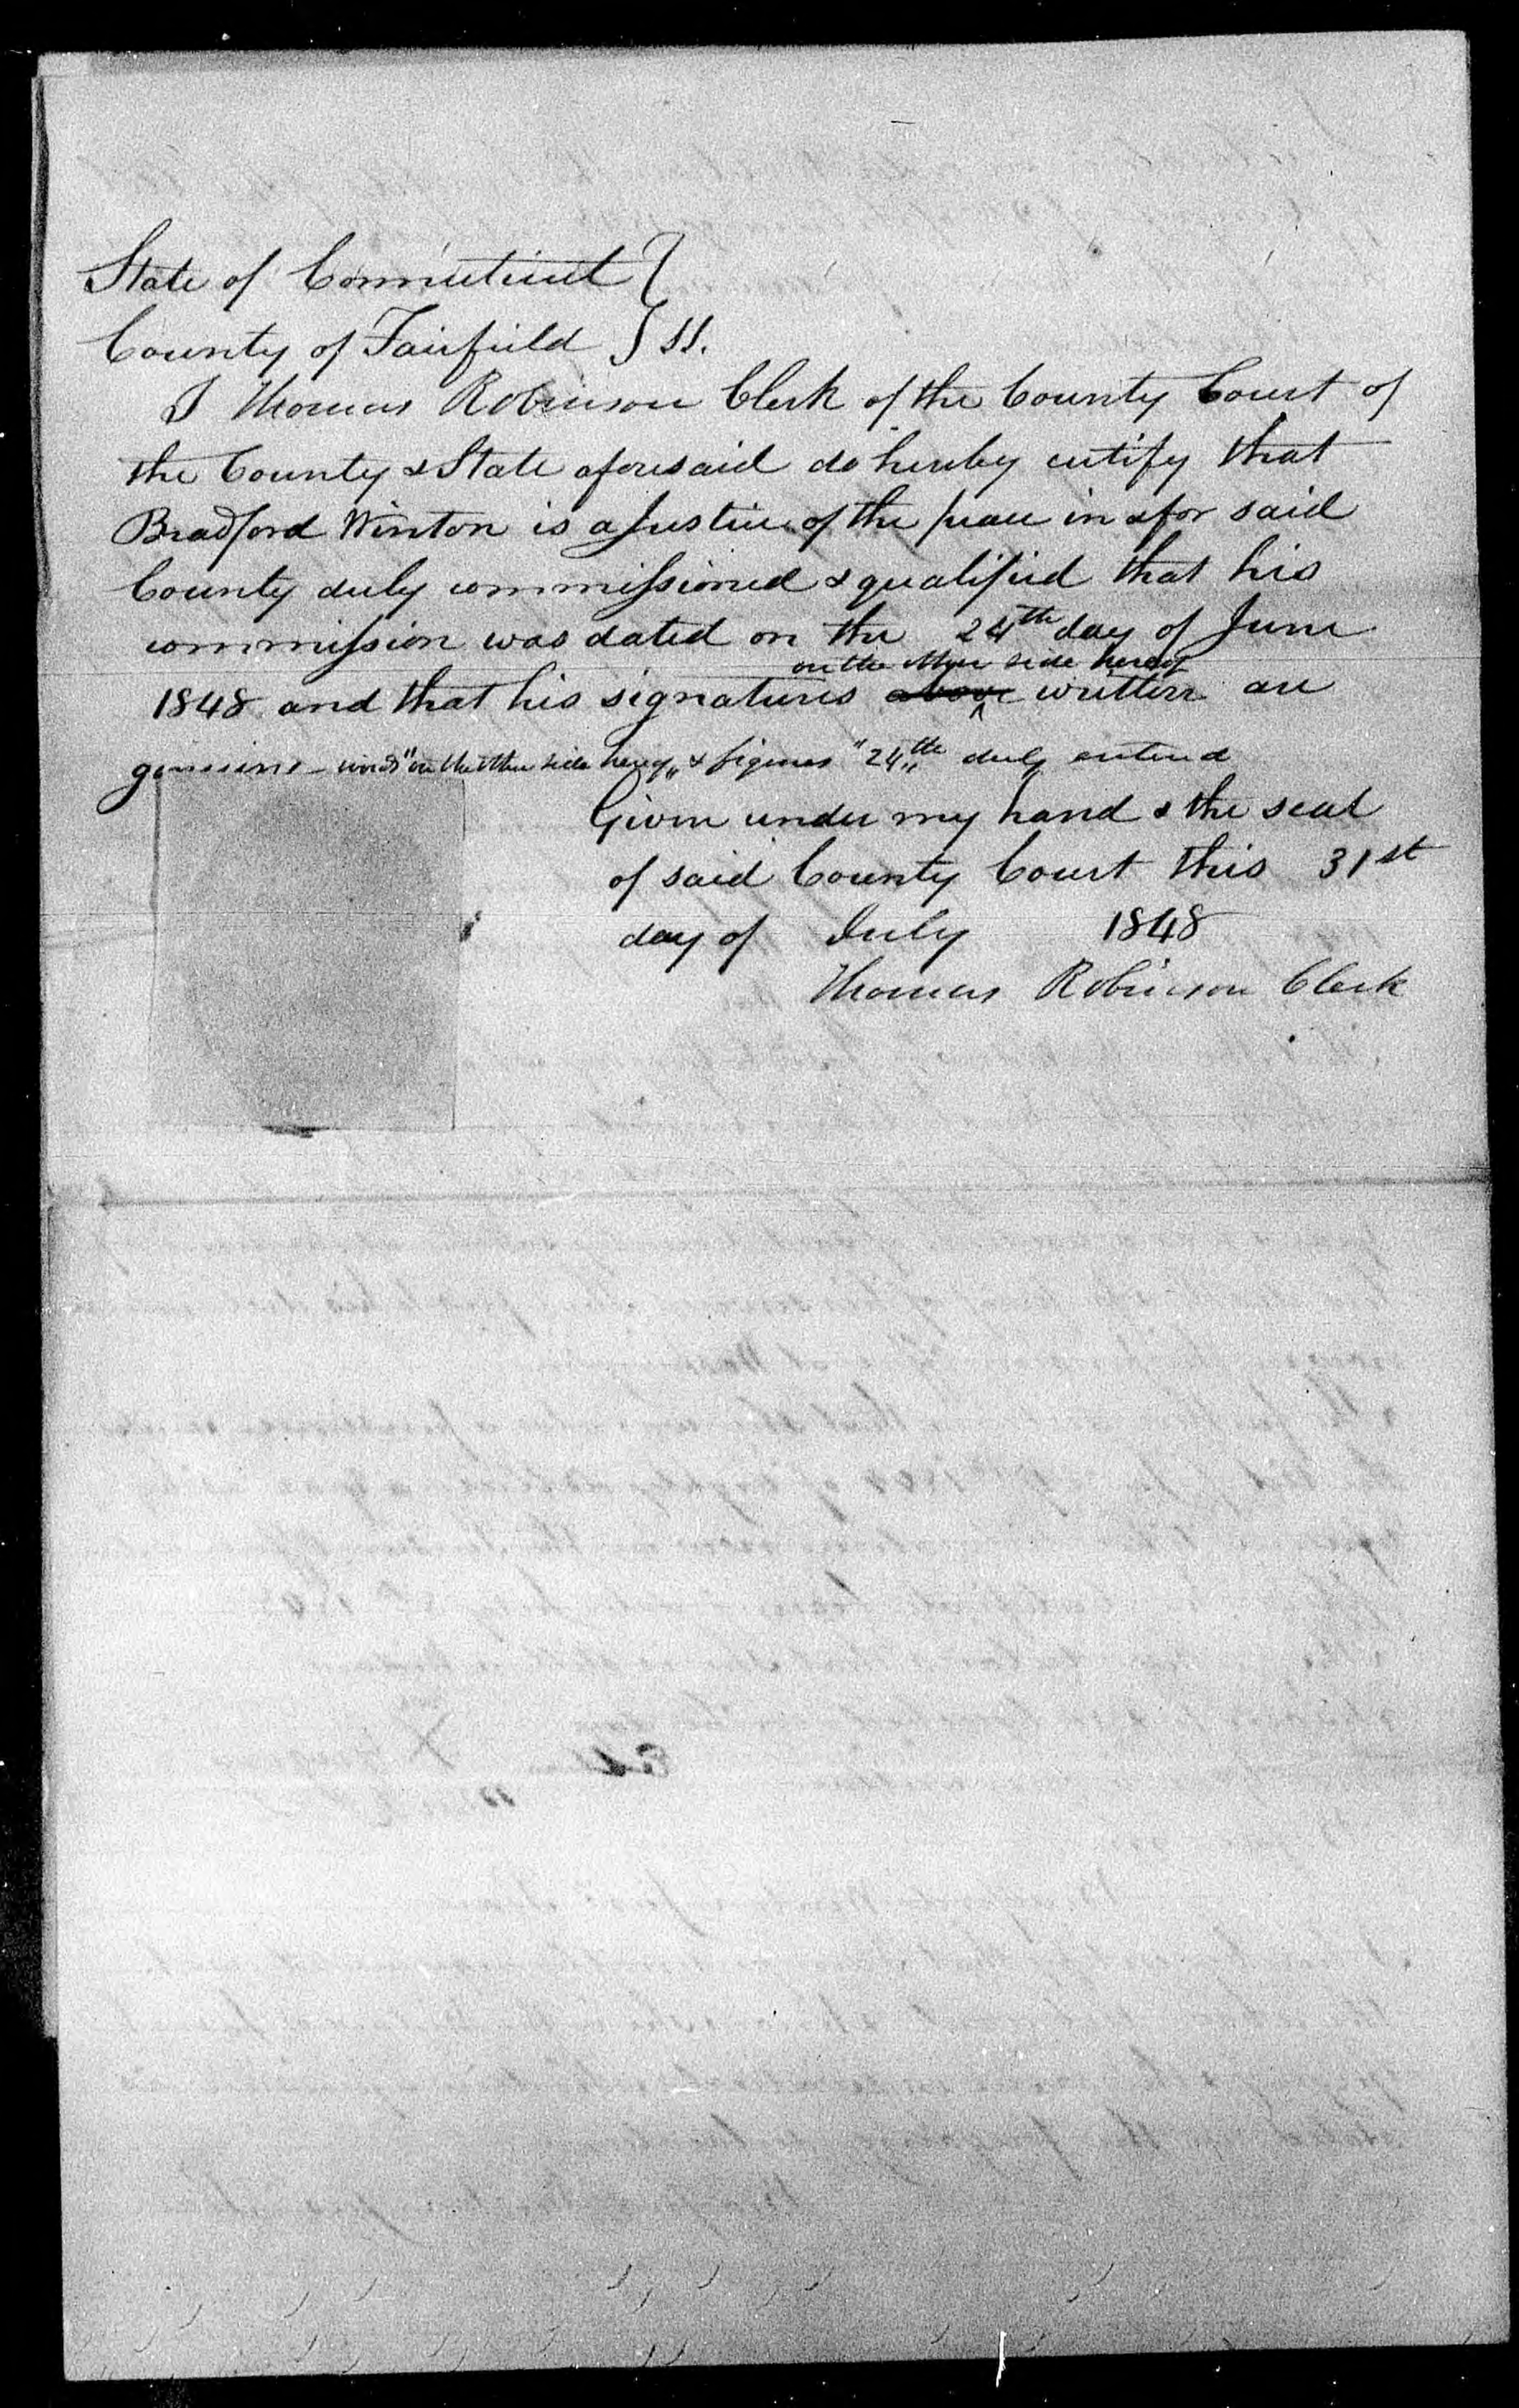State of Connecticut
County of Fairfield} SS

I Thomas Robinson Clerk of the County Court of the County & State aforesaid do hereby certify that Bradford Winton is a Justice of the peace in & for said County duly commissioned & qualified that his commission was dated on the 24th day of June 1848 and that his signatures  on the other side hereby [last five words inserted] written are genuine  - and "on the other side hereof, & figures "24th" duly entered
                    Given under my hand & the seal 
                    of said County Court this 31st           
                    day of July    1848
              [Signed]  Thomas Robinson Clerk

[Seal affixed to left of prior paragraph]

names: Thomas Robinson, Thomas Robinson, Bradford Winton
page: 44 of 49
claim: widow's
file: W 24308, Josiah Gregory, Conn.